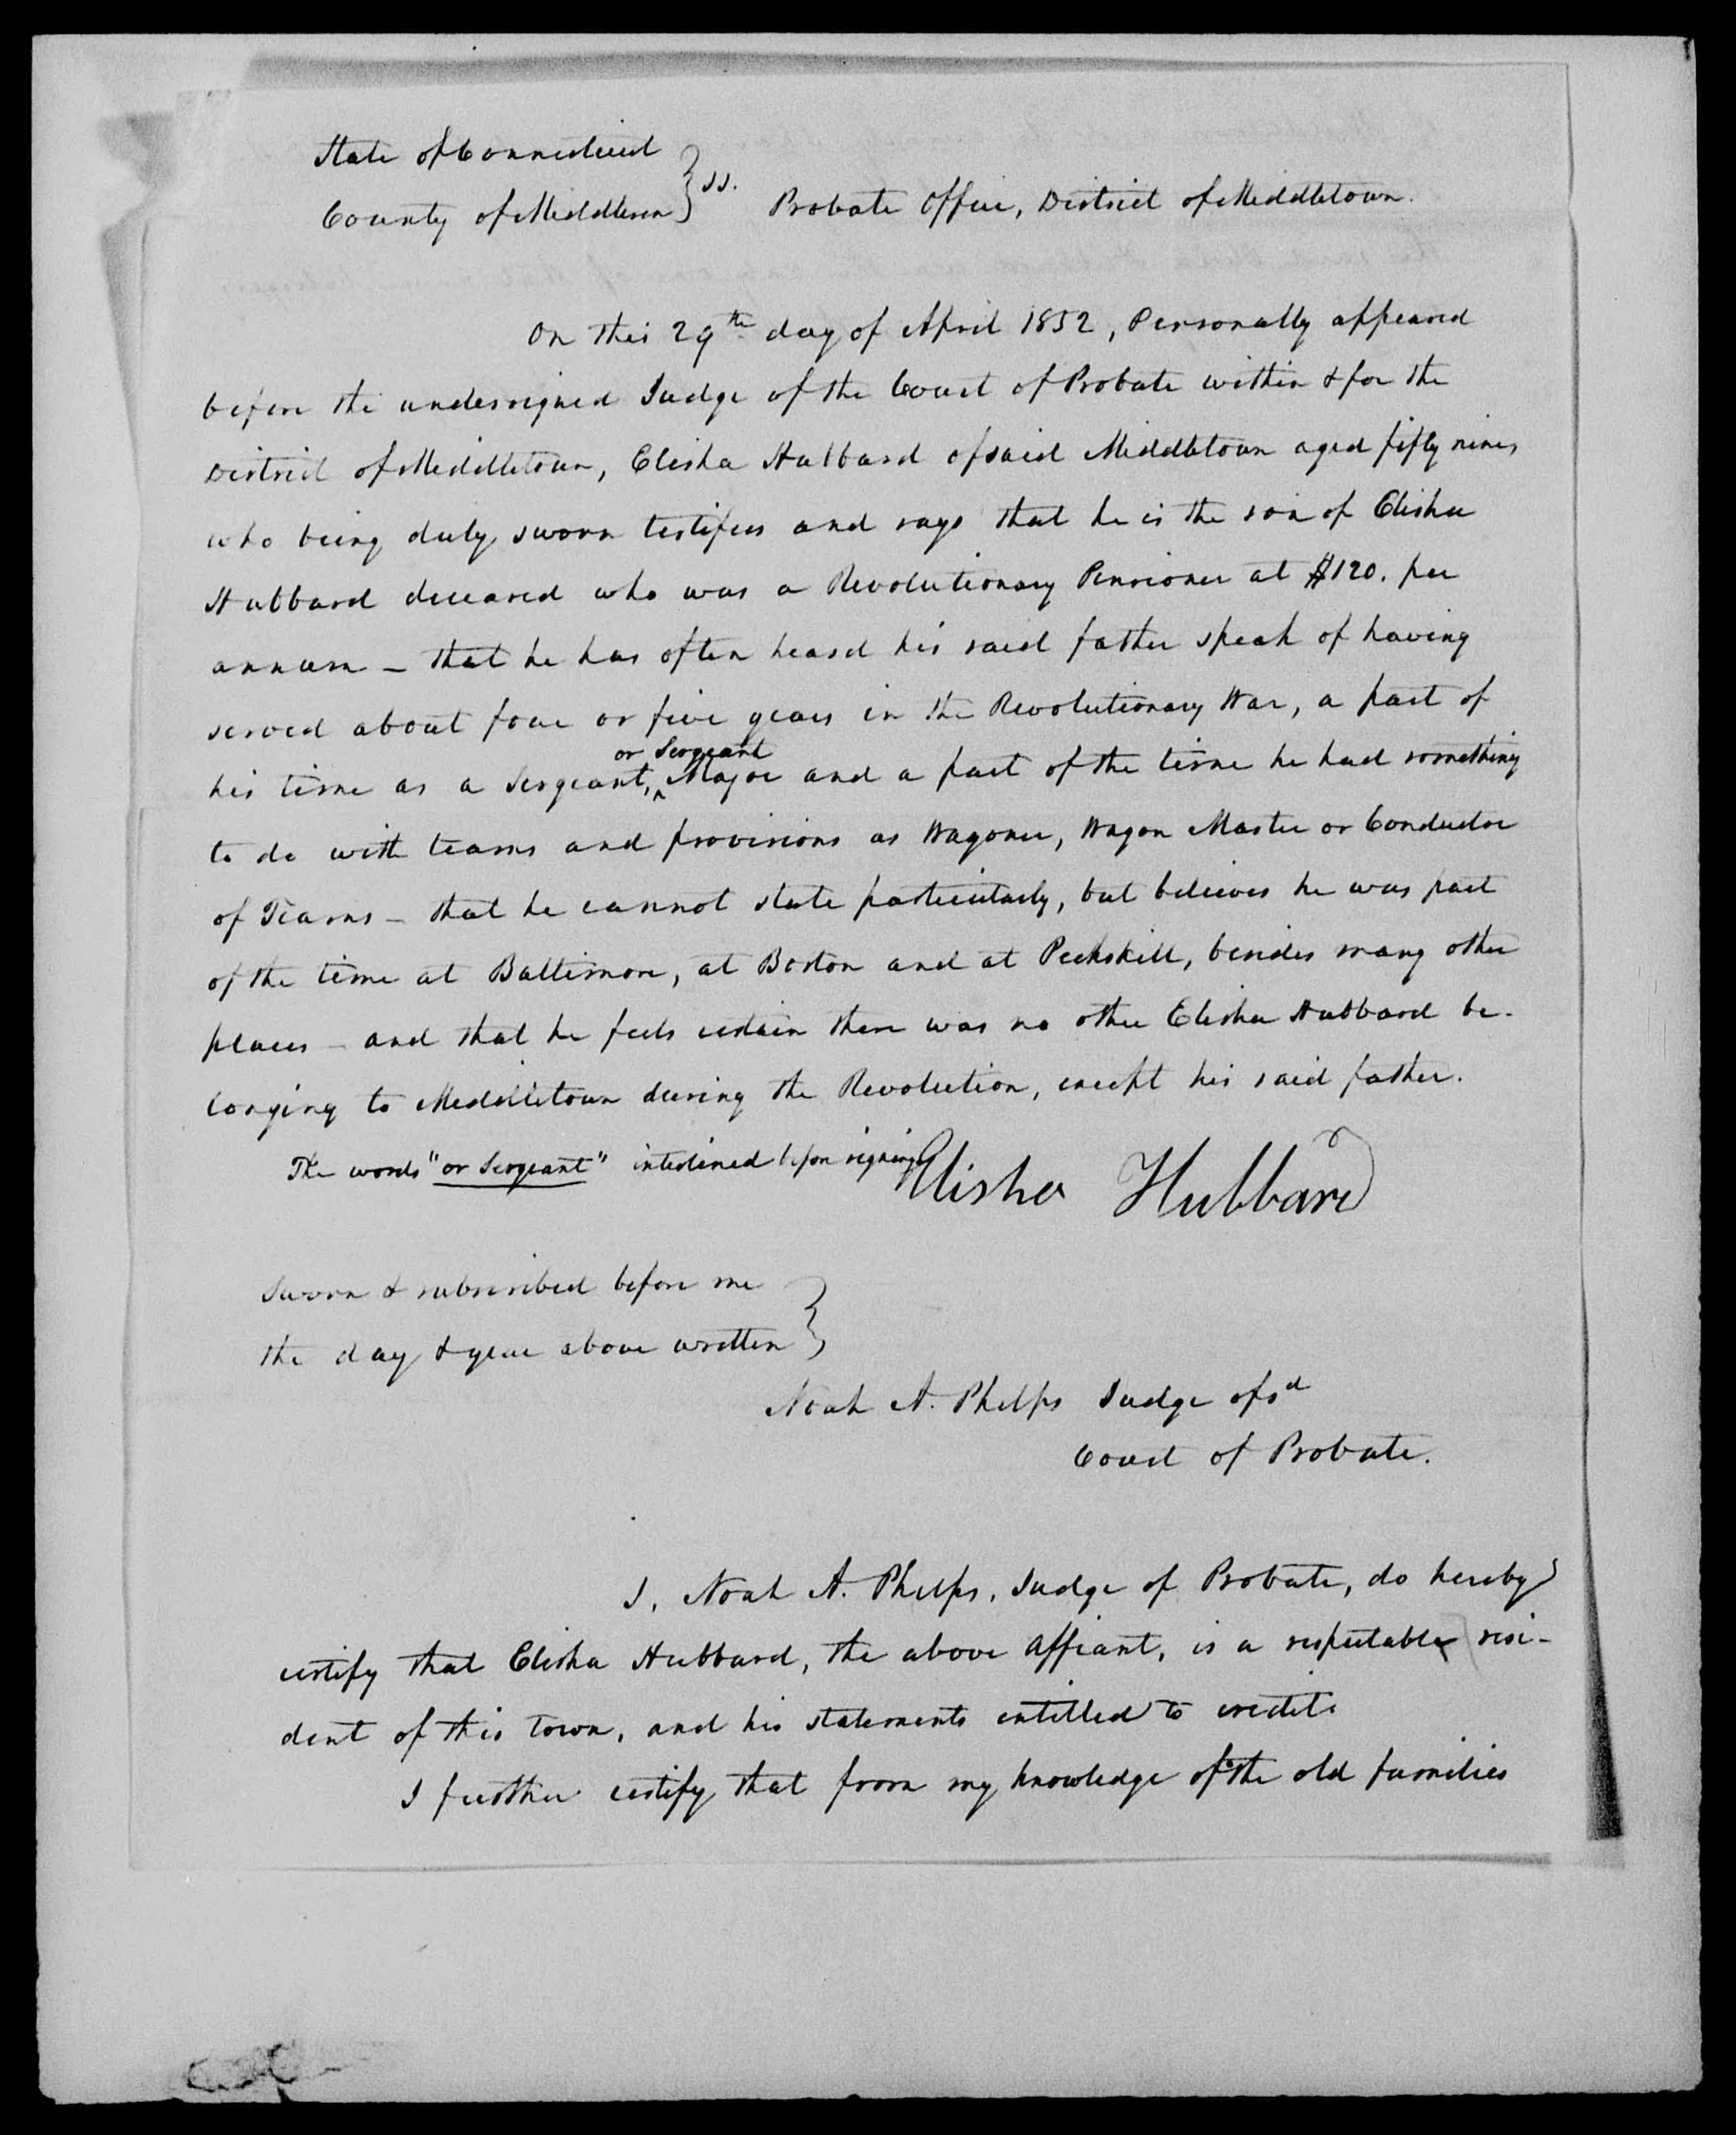State of Connecticut }
County of Middlesex } ss.  Probate office, District of Middletown

On this 29th day of April 1852, Personally appeared before the undersigned Judge of the Court of Probate within & for the District of Middletown, Elisha Hubbard of said Middletown aged fifty nine, who being duly sworn testifies and says that he is the son of Elisha Hubbard deceased who was a Revolutionary Pensioner at $210. per annum - that he has  often heard his said father speak of having served about four or five years in the Revolutionary War, a part of his time as a Sergeant or Sergeant Major and a part of the time he had something to do with teams and provisions as Wagoner, Wagon Master or Conductor of Teams - that he cannot state particularly but believes he was part of the time at Baltimore, Boston and at Peekskill,  (?) many other places --and that he feels certain there was no other Elisha Hubbard belonging to Middletown during the Revolution , ought his said father.

The words "or Sergreant"  interlined befor original

Elisha Hubbard

Sworn and subscribed before me the day & year above written }
Noah A. Phelps    Judge of the  Court of Probate.

I, Noah A. Phelps, Judge of Probate, do hereby certify that Elisha Hubbard, the above affiant, is a reputable resident of this town, and his statements entitled to credit
I further certify that from my knowledge of the old families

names: Elisha Hubbard, Noah A Phelps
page: 61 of 63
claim: survivor's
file: S. 18457, Elisha Hubbard, Conn. Continental